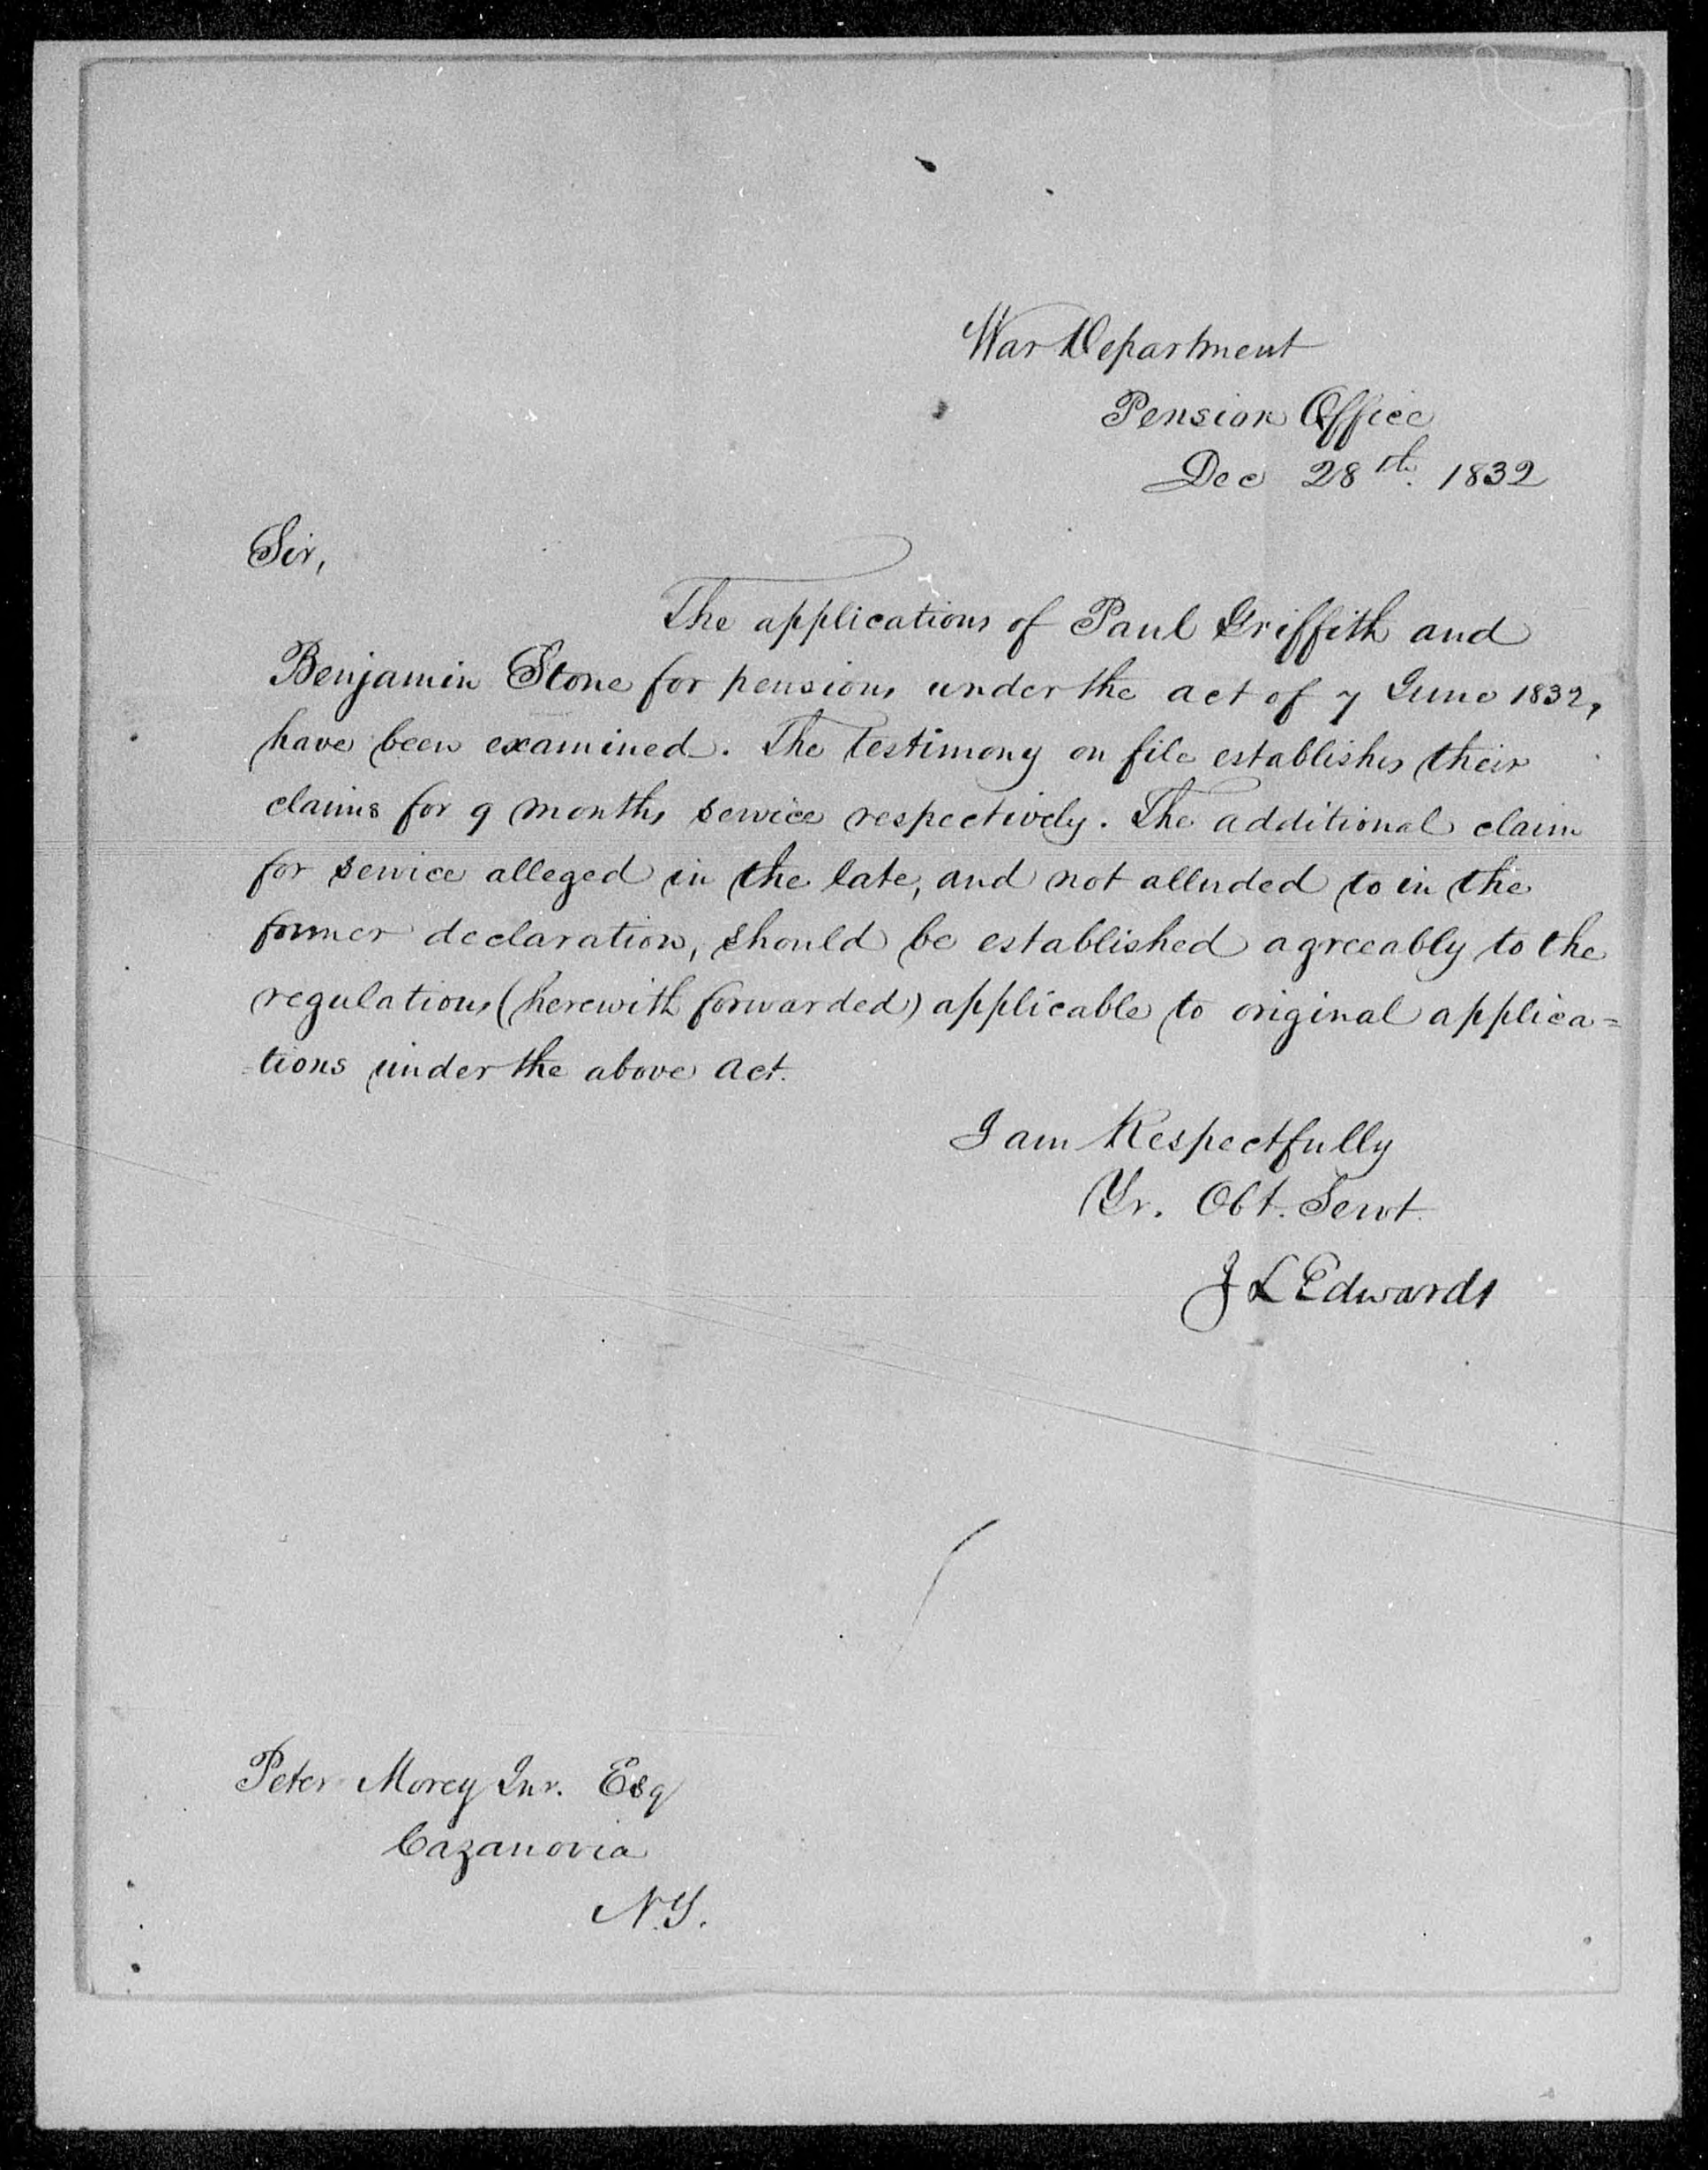War Department
Pension Office
Dec. 28th, 1832

Sir,

The applications of Paul Griffith and Benjamin Stone for pension under the act of 7 June 1832, have been examined. The testimony on file establishes their claims for 9 months service respectively. The additional claim for service alleged in the late, and not alluded to in the former declaration, should be established agreeable to the regulations (herewith forwarded) applicable to original applications under the above act.

I am Respectfully
Yr. Obt. Servt.
J.L Edwards

Peter Morey Ins. Esq.
Cazanovia, N.Y.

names: Benjamin Stone, J L Edwards, Peter Morey, Paul Griffith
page: 51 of 61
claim: survivor's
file: S. 22798, Paul Griffiths, R.I.